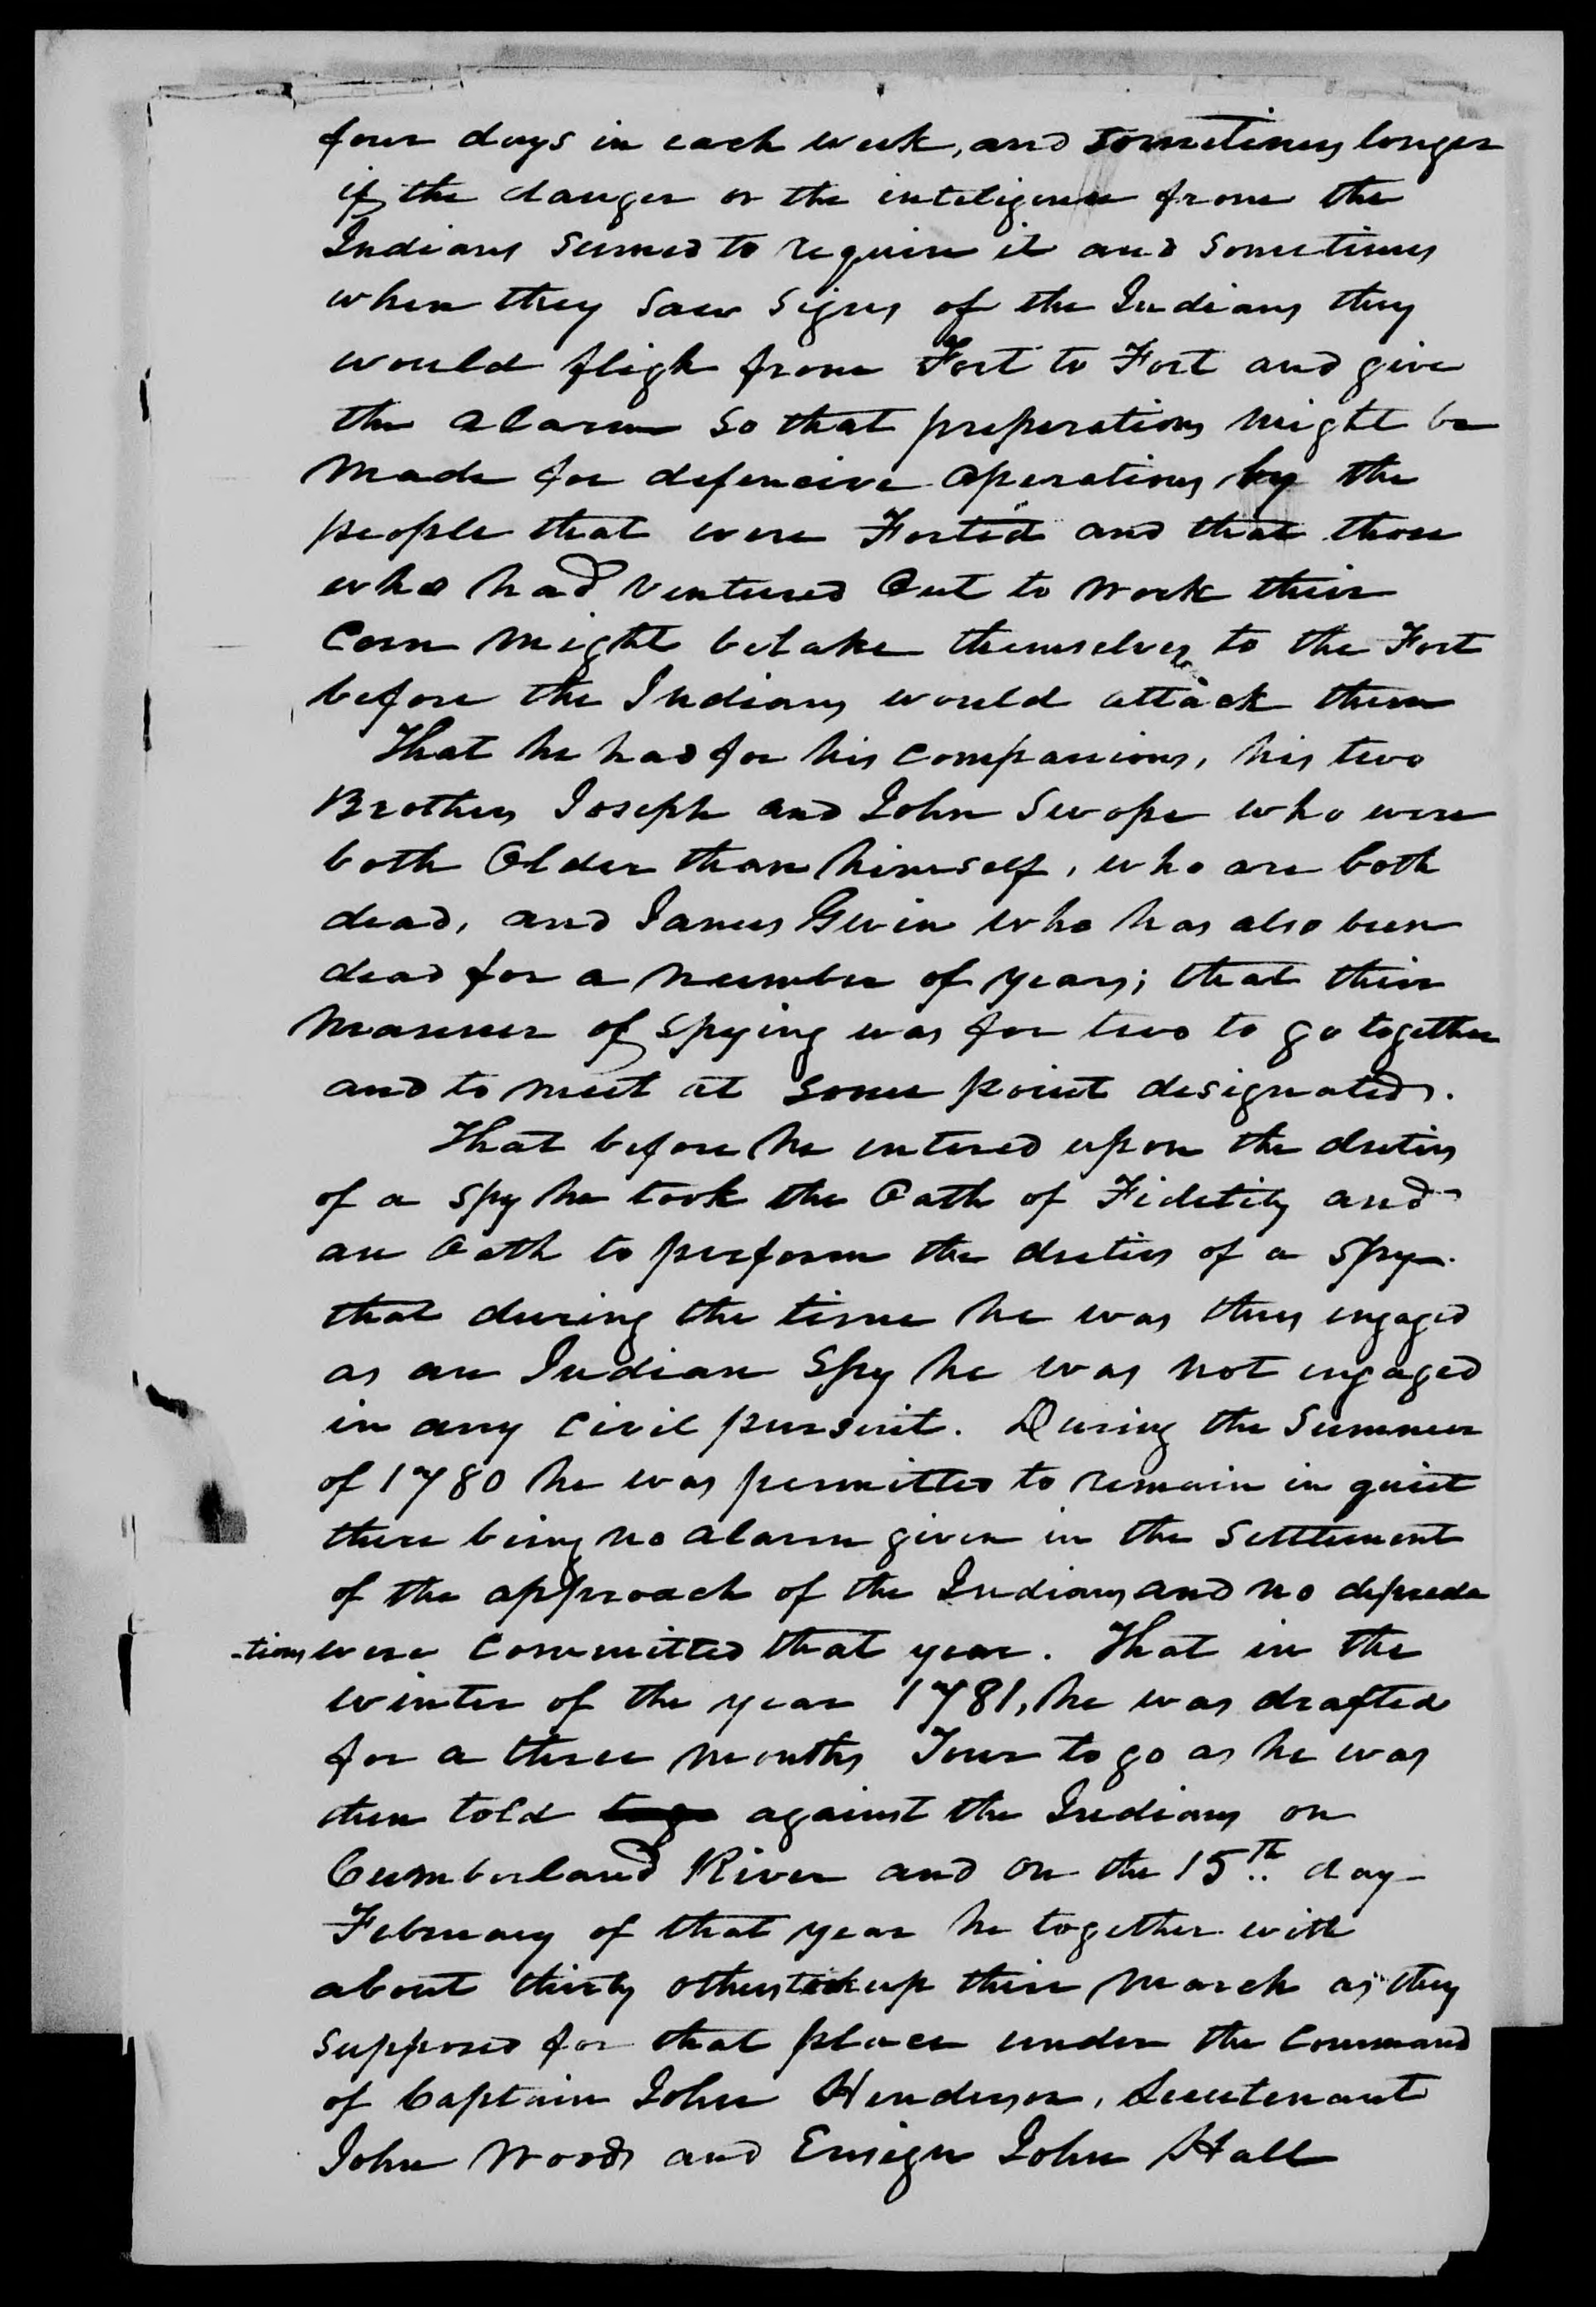four days in each week, and sometimes longer
of the danger of the inteligence from the
Indians seemed to require it and sometimes
when they saw signs of the Indians they
would fligh from Fort to Fort and give
the alarm so that preparations might be
made for defensive operations by the
people that were forted and that those
who had ventured out to work their
corn might betake themselves to the Fort
before the Indians would attack them
That he had for his companions, his two
Brother Joseph and John Swope who were
both older than himself, who are both
dead, and James Given who has also been
dead for a number of years; that their
manner of spying was for two to go together
and to meet at one point designated.

That before he entered upon the duties
of a spy he took the Oath of Fidelity and
an oath to perform the duties of a spy
that during the time he was thus engaged
as an Indian Spy he was not engaged
in any civil pursuit. During the Summer
of 1780 he was permitted to remain in quiet
there being no law given in the settlement
of the approach of the Indians and no depredations were committed that year. That in the
winter of the year 1781, he was drafted
for a three months tour to go as he was
then told against the Indians on
Cumberland River and on the 15th day
February of that year he together with
about thirty others to keep their march as they
supposed for that place under the command
of Captain John Henderson, Lieutenant
John Woods and Ensign John Hall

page: 5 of 16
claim: rejected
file: R 10366, for Michael Swope, Virginia